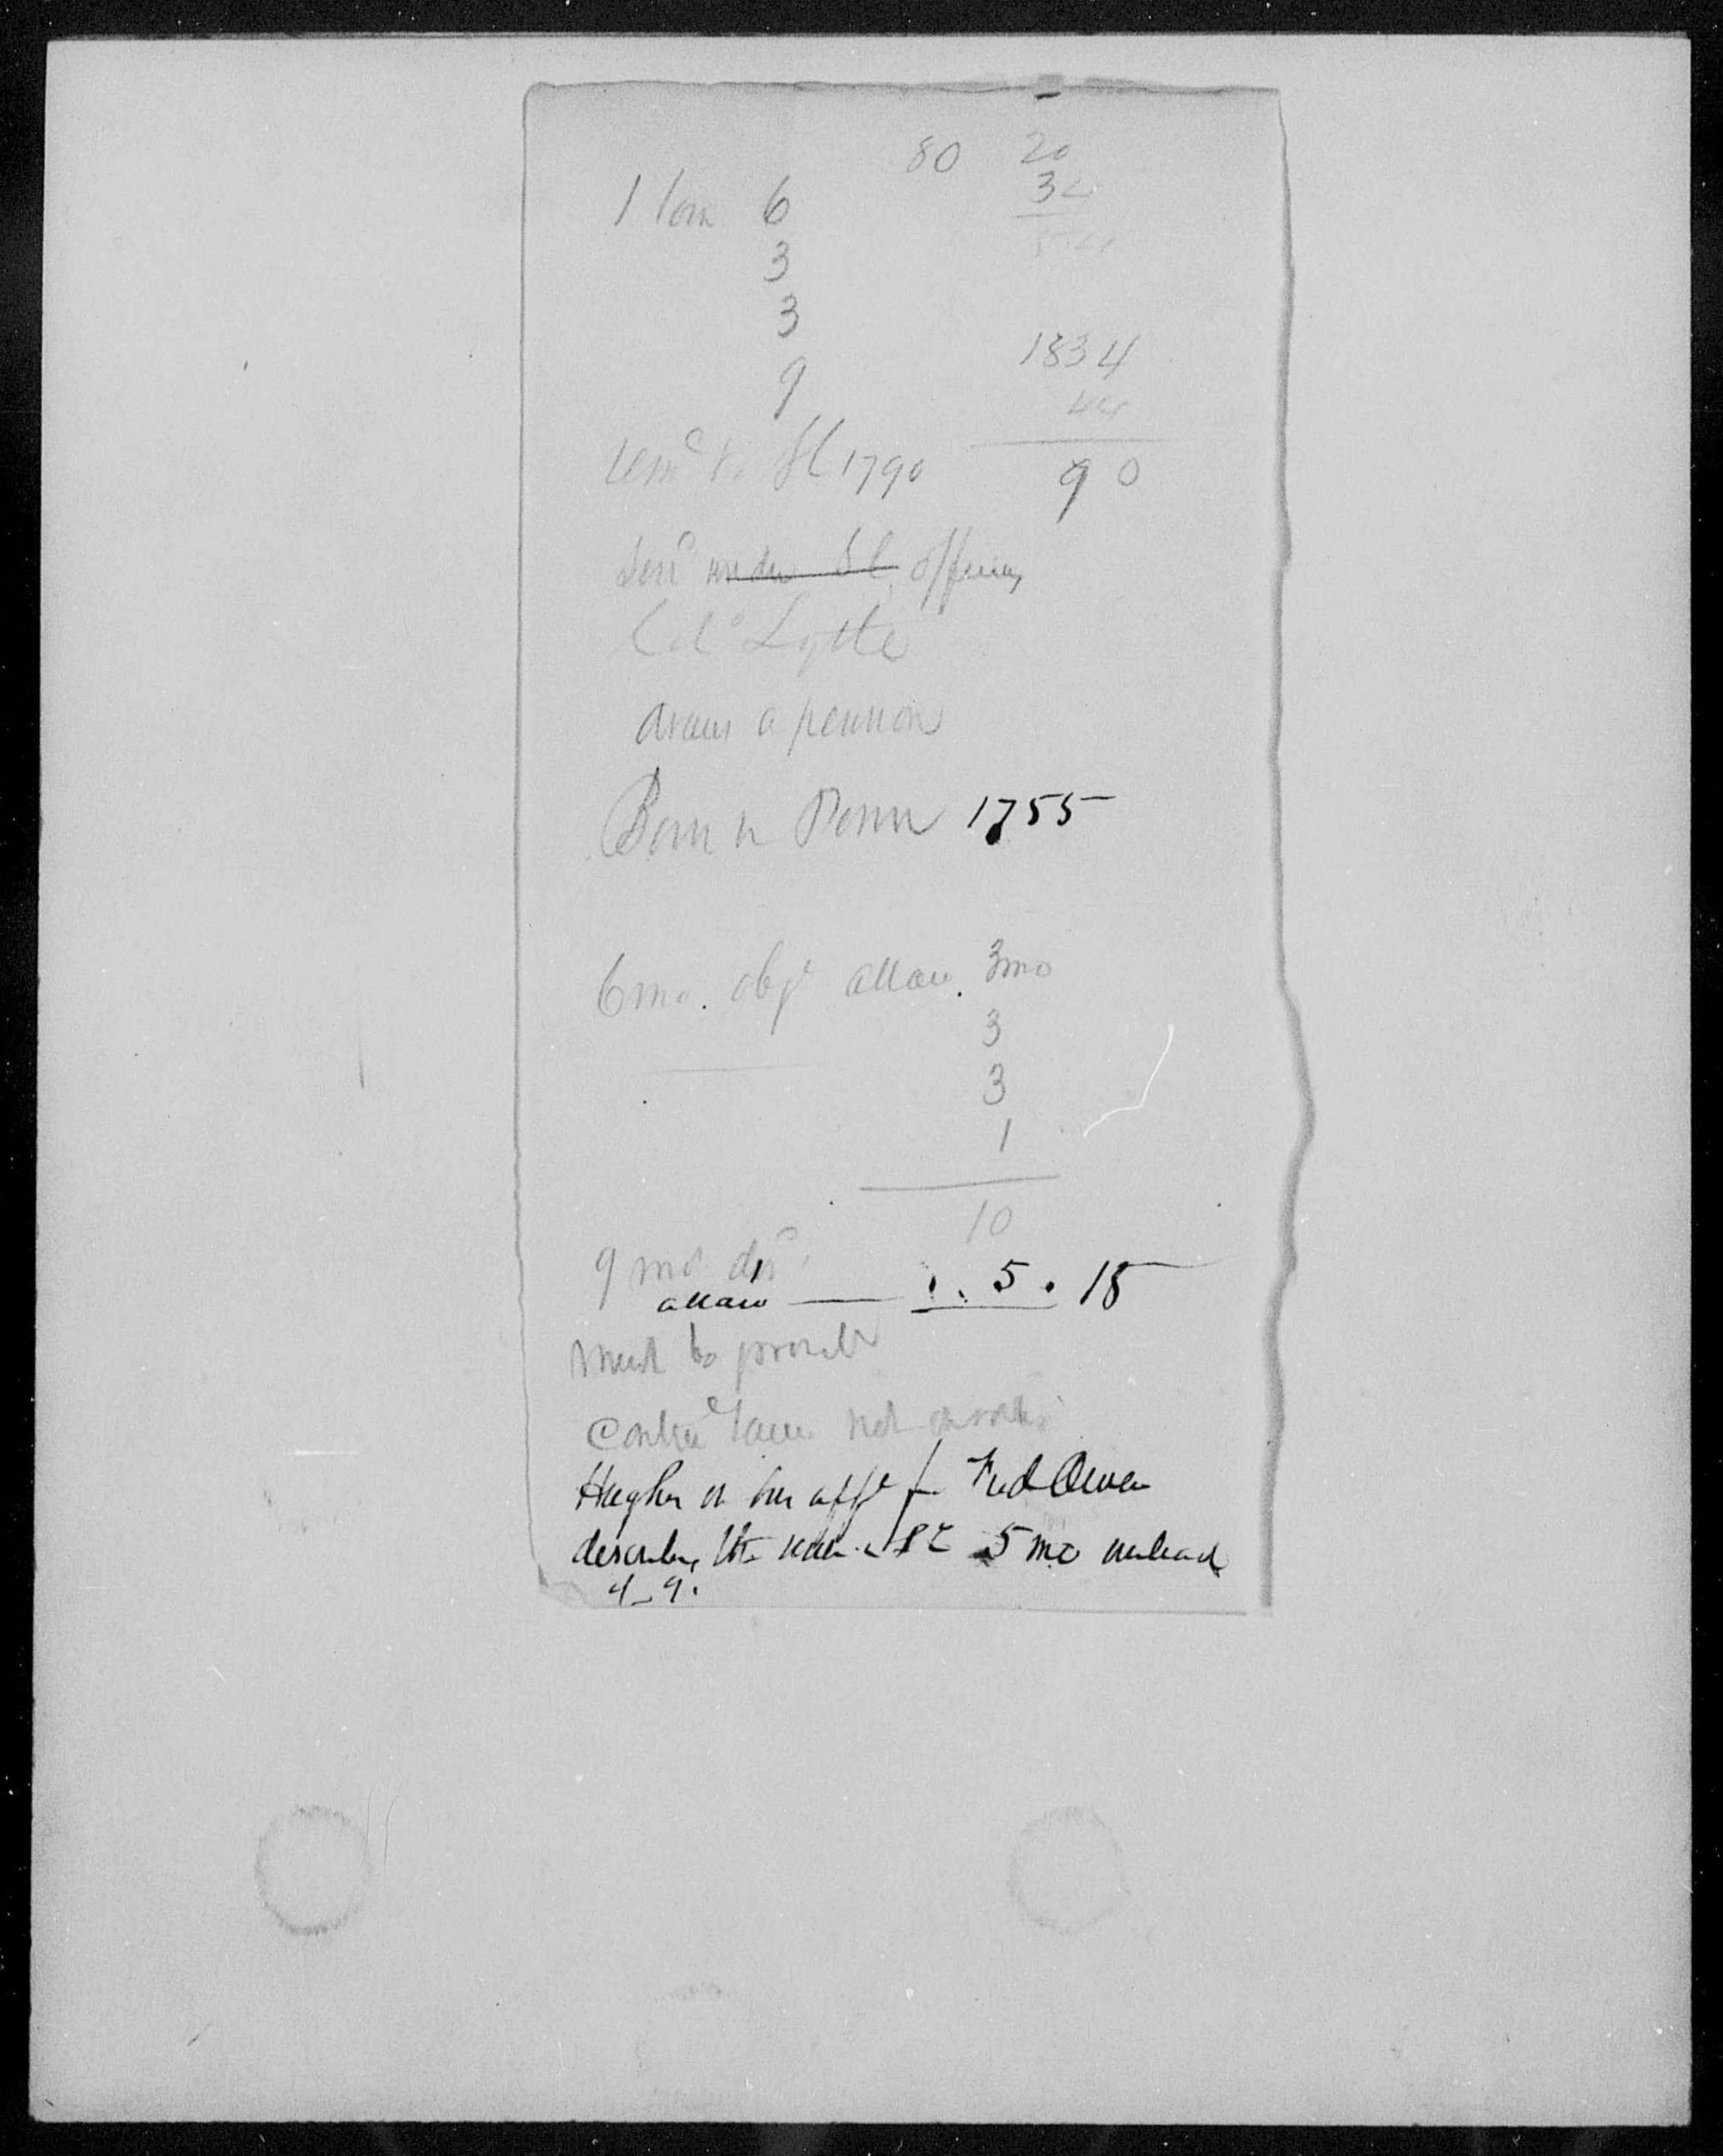80 20
34

11 on 6 3 3 9
1834 44 90
remr 1790

ser'd under SC officers
Col Lytle
draw a pension
Bann Penn 1755
6 mo obj  allow 3 mo
3
3
1
10
9 mo.d [illegible] 
allow - 5 .18
need to prove cont Law not amt

Hughes on her offer Fred Owen
describe the [illegible] 5 mo [illegible]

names: Lytle, Fred Owen, Hughes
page: 21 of 75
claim: widow's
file: W. 25805, Andrew Hughes, N.C.